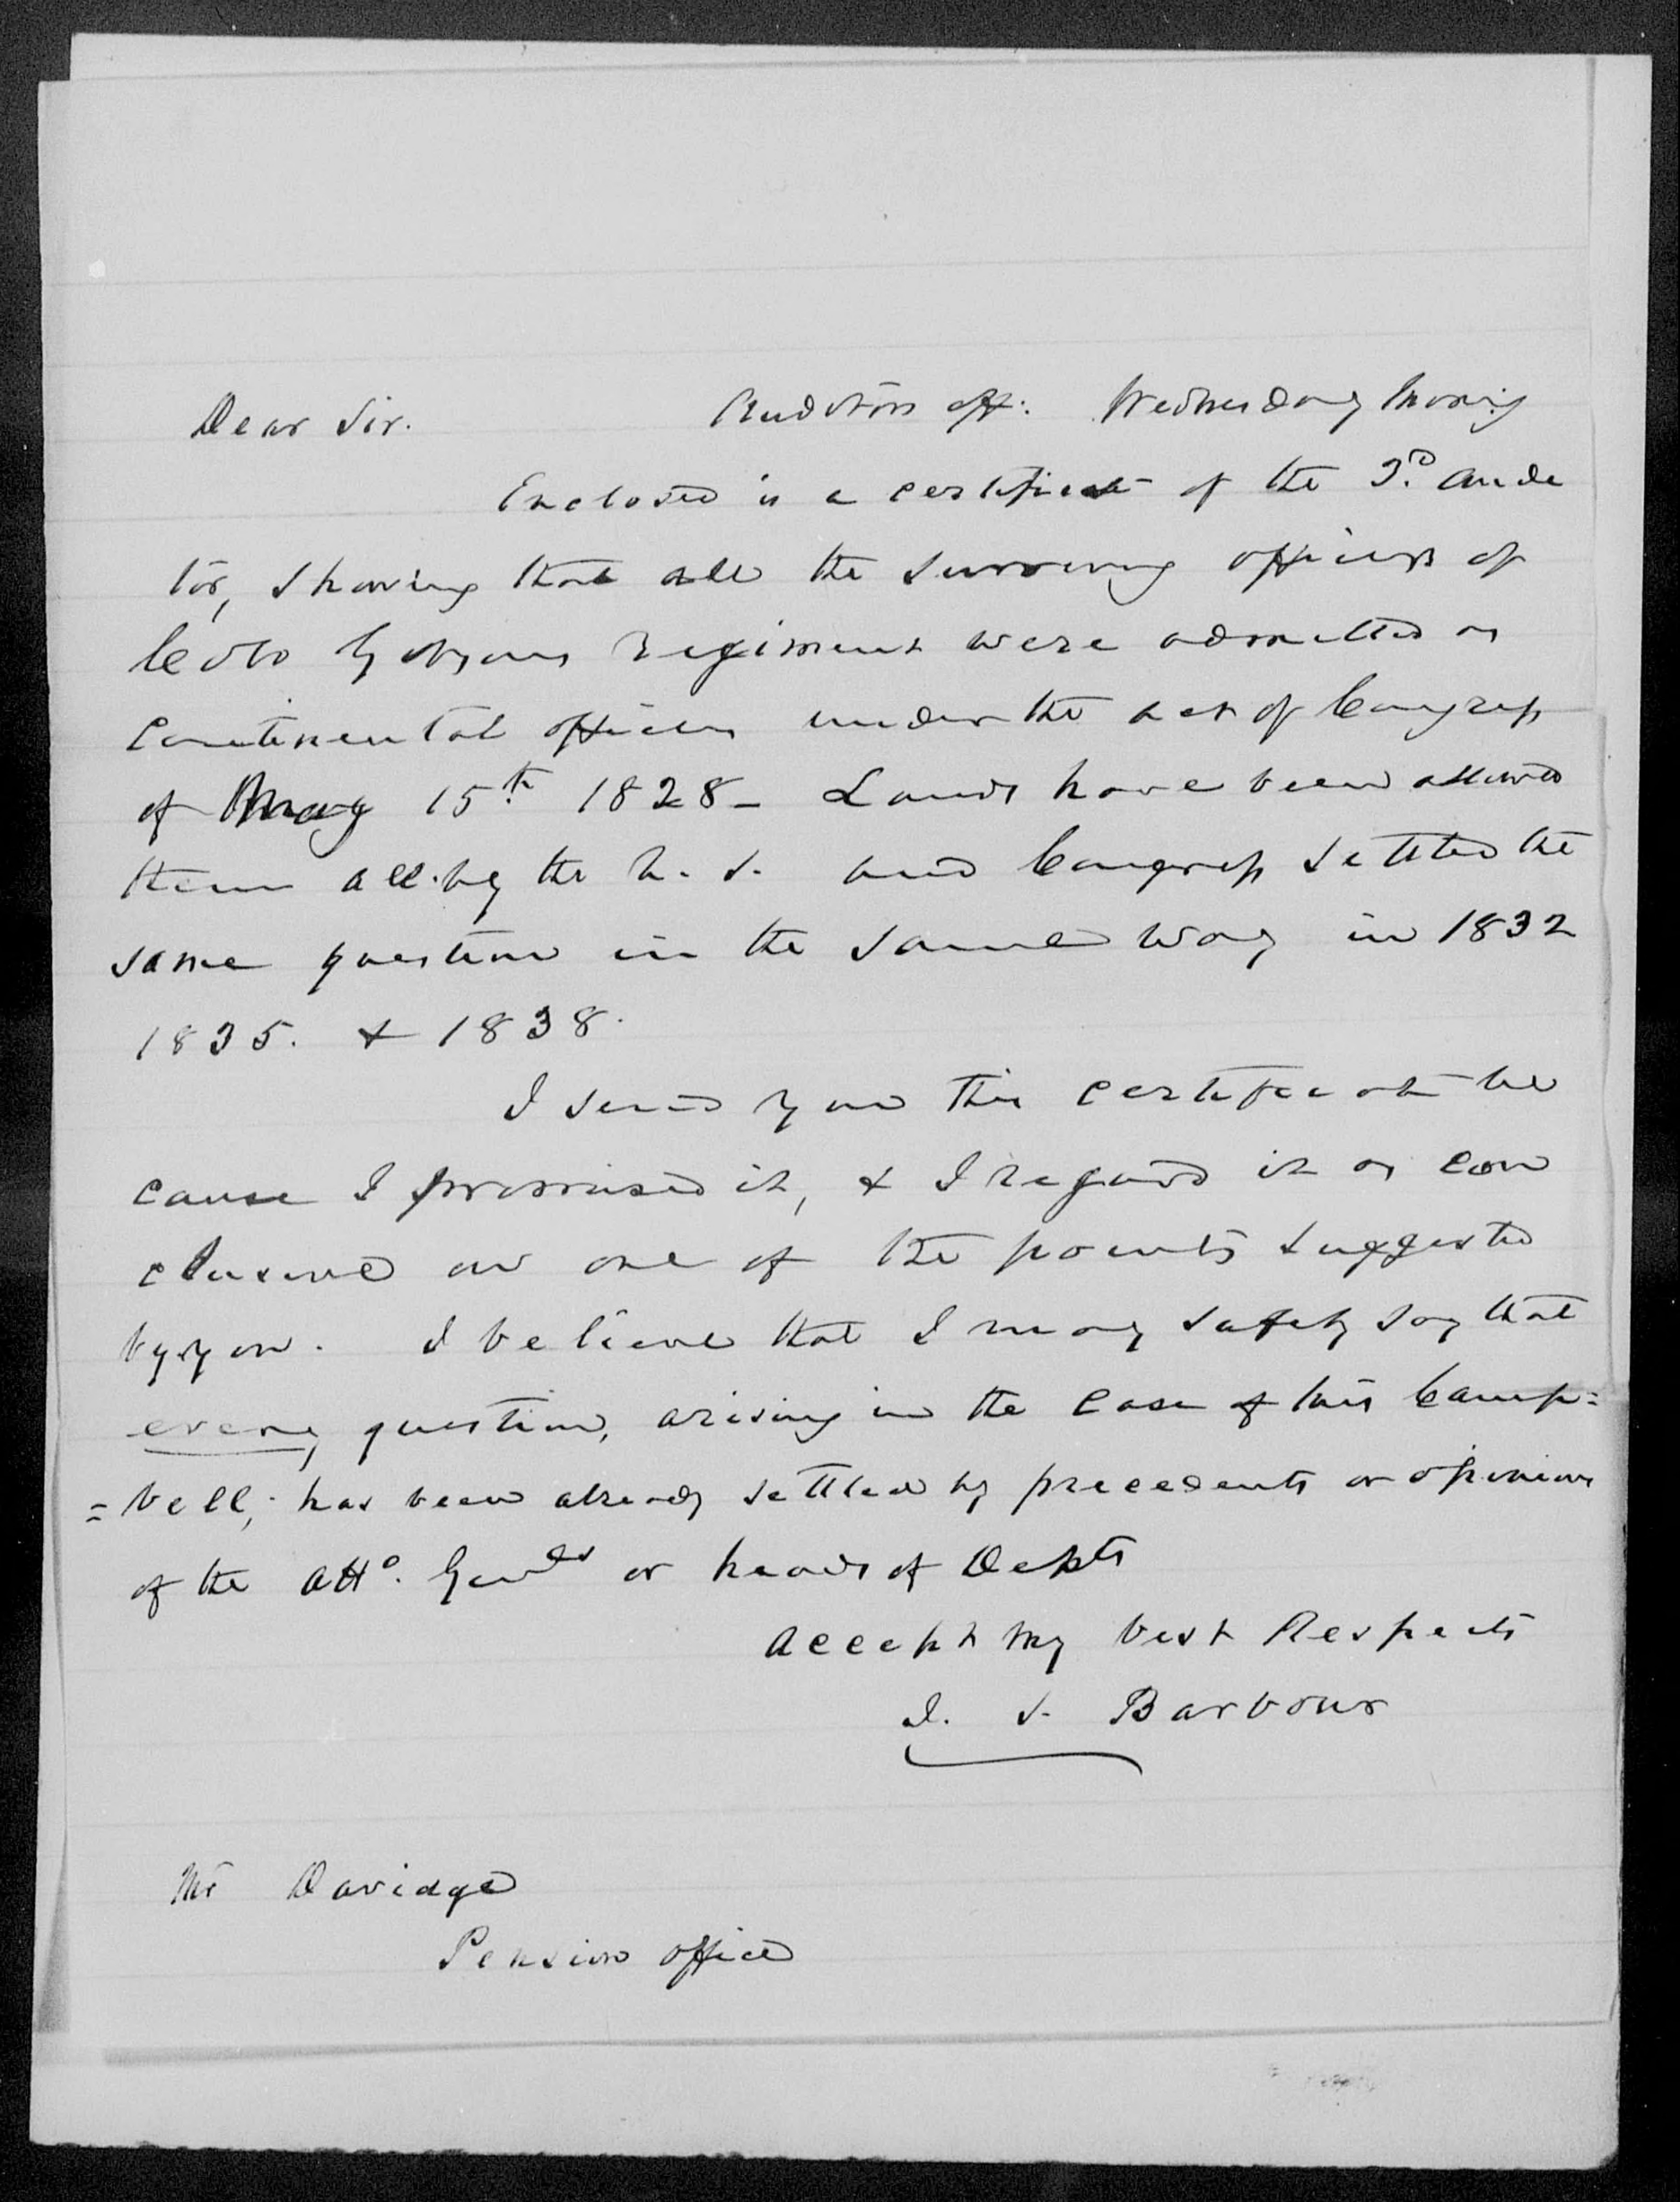Auditor's Off:  Wednesday 1st May
Dear Sir.
Enclosed is a certificate of the 3rd. auditor, showing that all the surviving officers of Colo Gibsons Regiment were admitted as Continental officers under the Act of Congress of May 15th. 1828 __ Lands have been allowed them all .by the h.s.  and Congress Settled the same question the same way in 1832. 1835. +[and] 1838.
I send you this certificate  -- because I promised it, +[and] I regard it as conclusive on one of the points Suggested by you.  I believe that I may safely say that every [underlined 'every'] question, arising in the case of Mrs Campbell; has been already settled by precedents or opinions of the Atto. Genls. or heads of Depts
Accept my best Respects
J. S. Barbour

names: J S Barbour, Campbell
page: 210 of 267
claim: widow's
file: W. 4,149, William Campbell, Va.